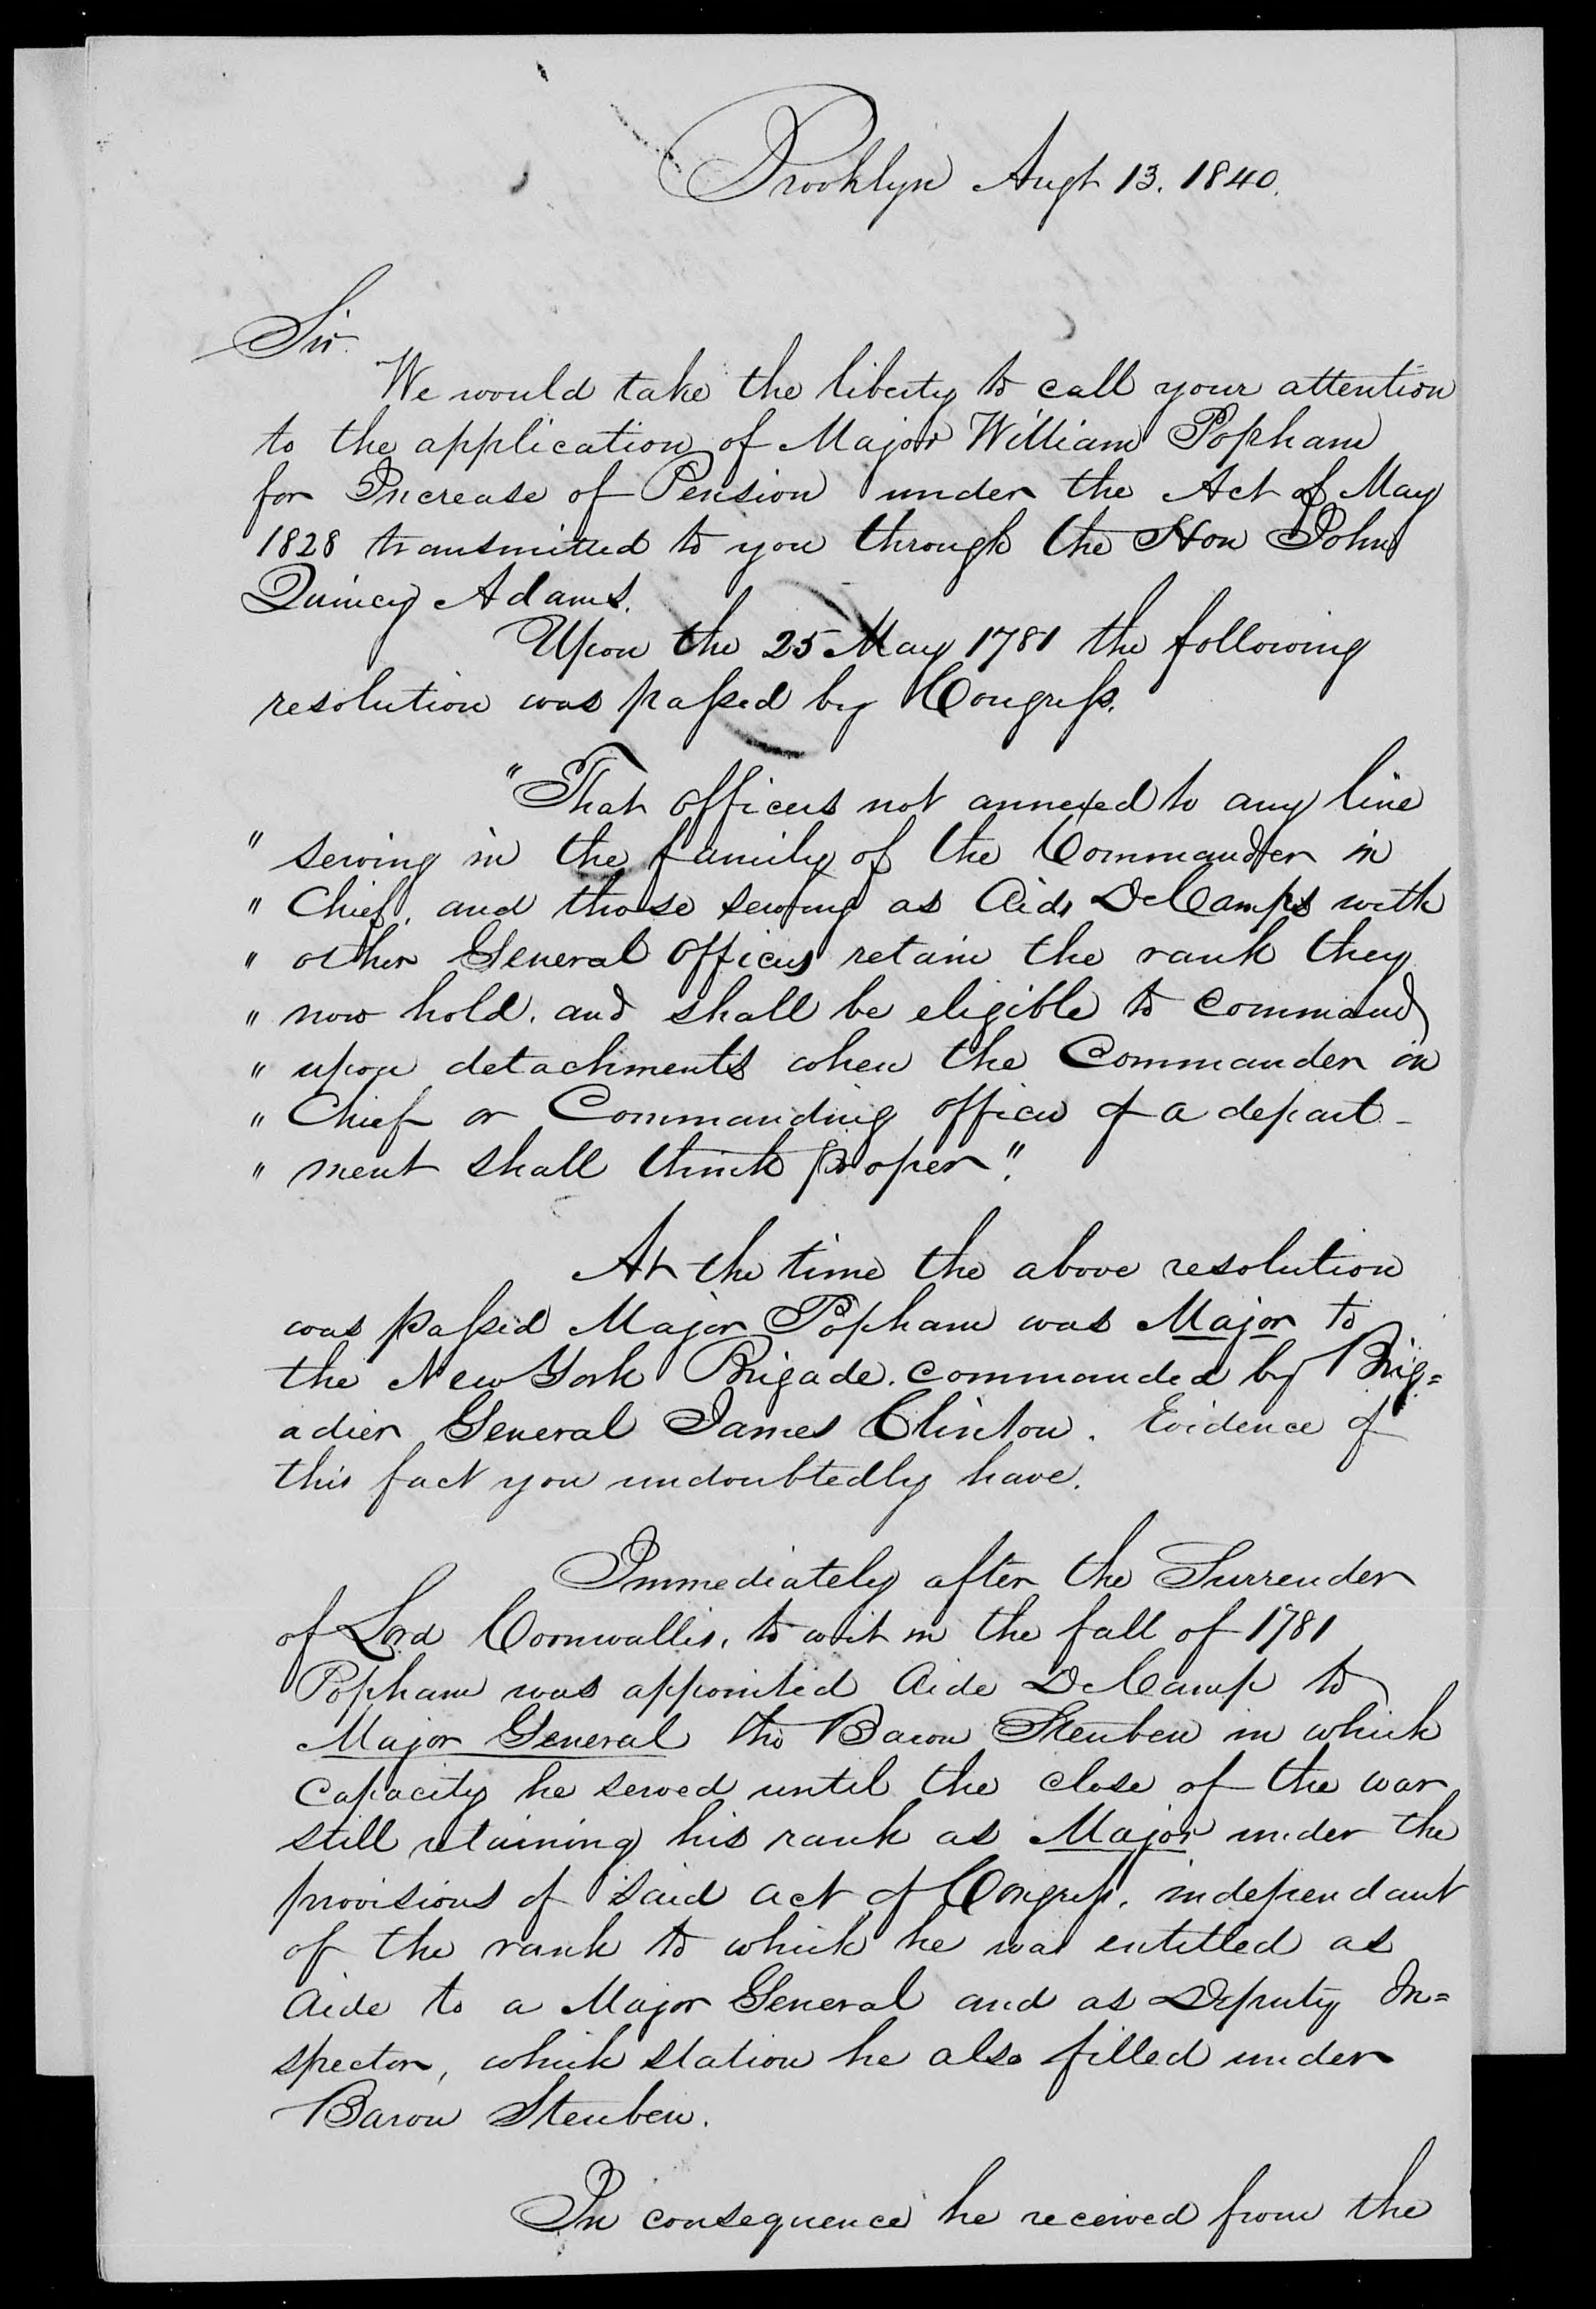Brooklyn Augt 13. 1840
Sir
We would take the liberty to call your attention
to the application of Major William Popham
for Increase of Pension under the Act of May
1828 transmitted to you through the Hon John
Quincy Adams
Upon the 25 May 1781 the following
resolution was passed by Congress
"That officers not annexed to any line
"serving in the family of the Commander in
" Chief.
and those serving as Aid De Camps with
"other General officers retain the rank they
" now hold, and shall be eligible to command
" upon detachments when the Commander in
" Chief or Commanding officer of a "department shall think proper
At the time the above resolution
was passed Major Popham was Major
to
the New York
Brigade commanded by Brigadier General James Clinton. Evidence of
this fact you undoubtedly have.
Immediately after the Surrender
of Lord Cornwallis, to wit in the fall of 1781
Popham was appointed Aid De Camp
to
Major General the Baron Steuben in which
capacity he served until the close of the war
still retaining his rank as Major under the
provisions of said act of Congress, independant
of the rank to which he was entitled as
aide to a Major General and as Deputy Inspector, which station he also filled under
Baron Steuben.
In consequence he received from the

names: John Quincey Adams; William Popham; James Clinton; [BLANK] Cornwallis; Baron Steuben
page: 60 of 75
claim: survivor's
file: S. 9989, for William Popham, Delaware